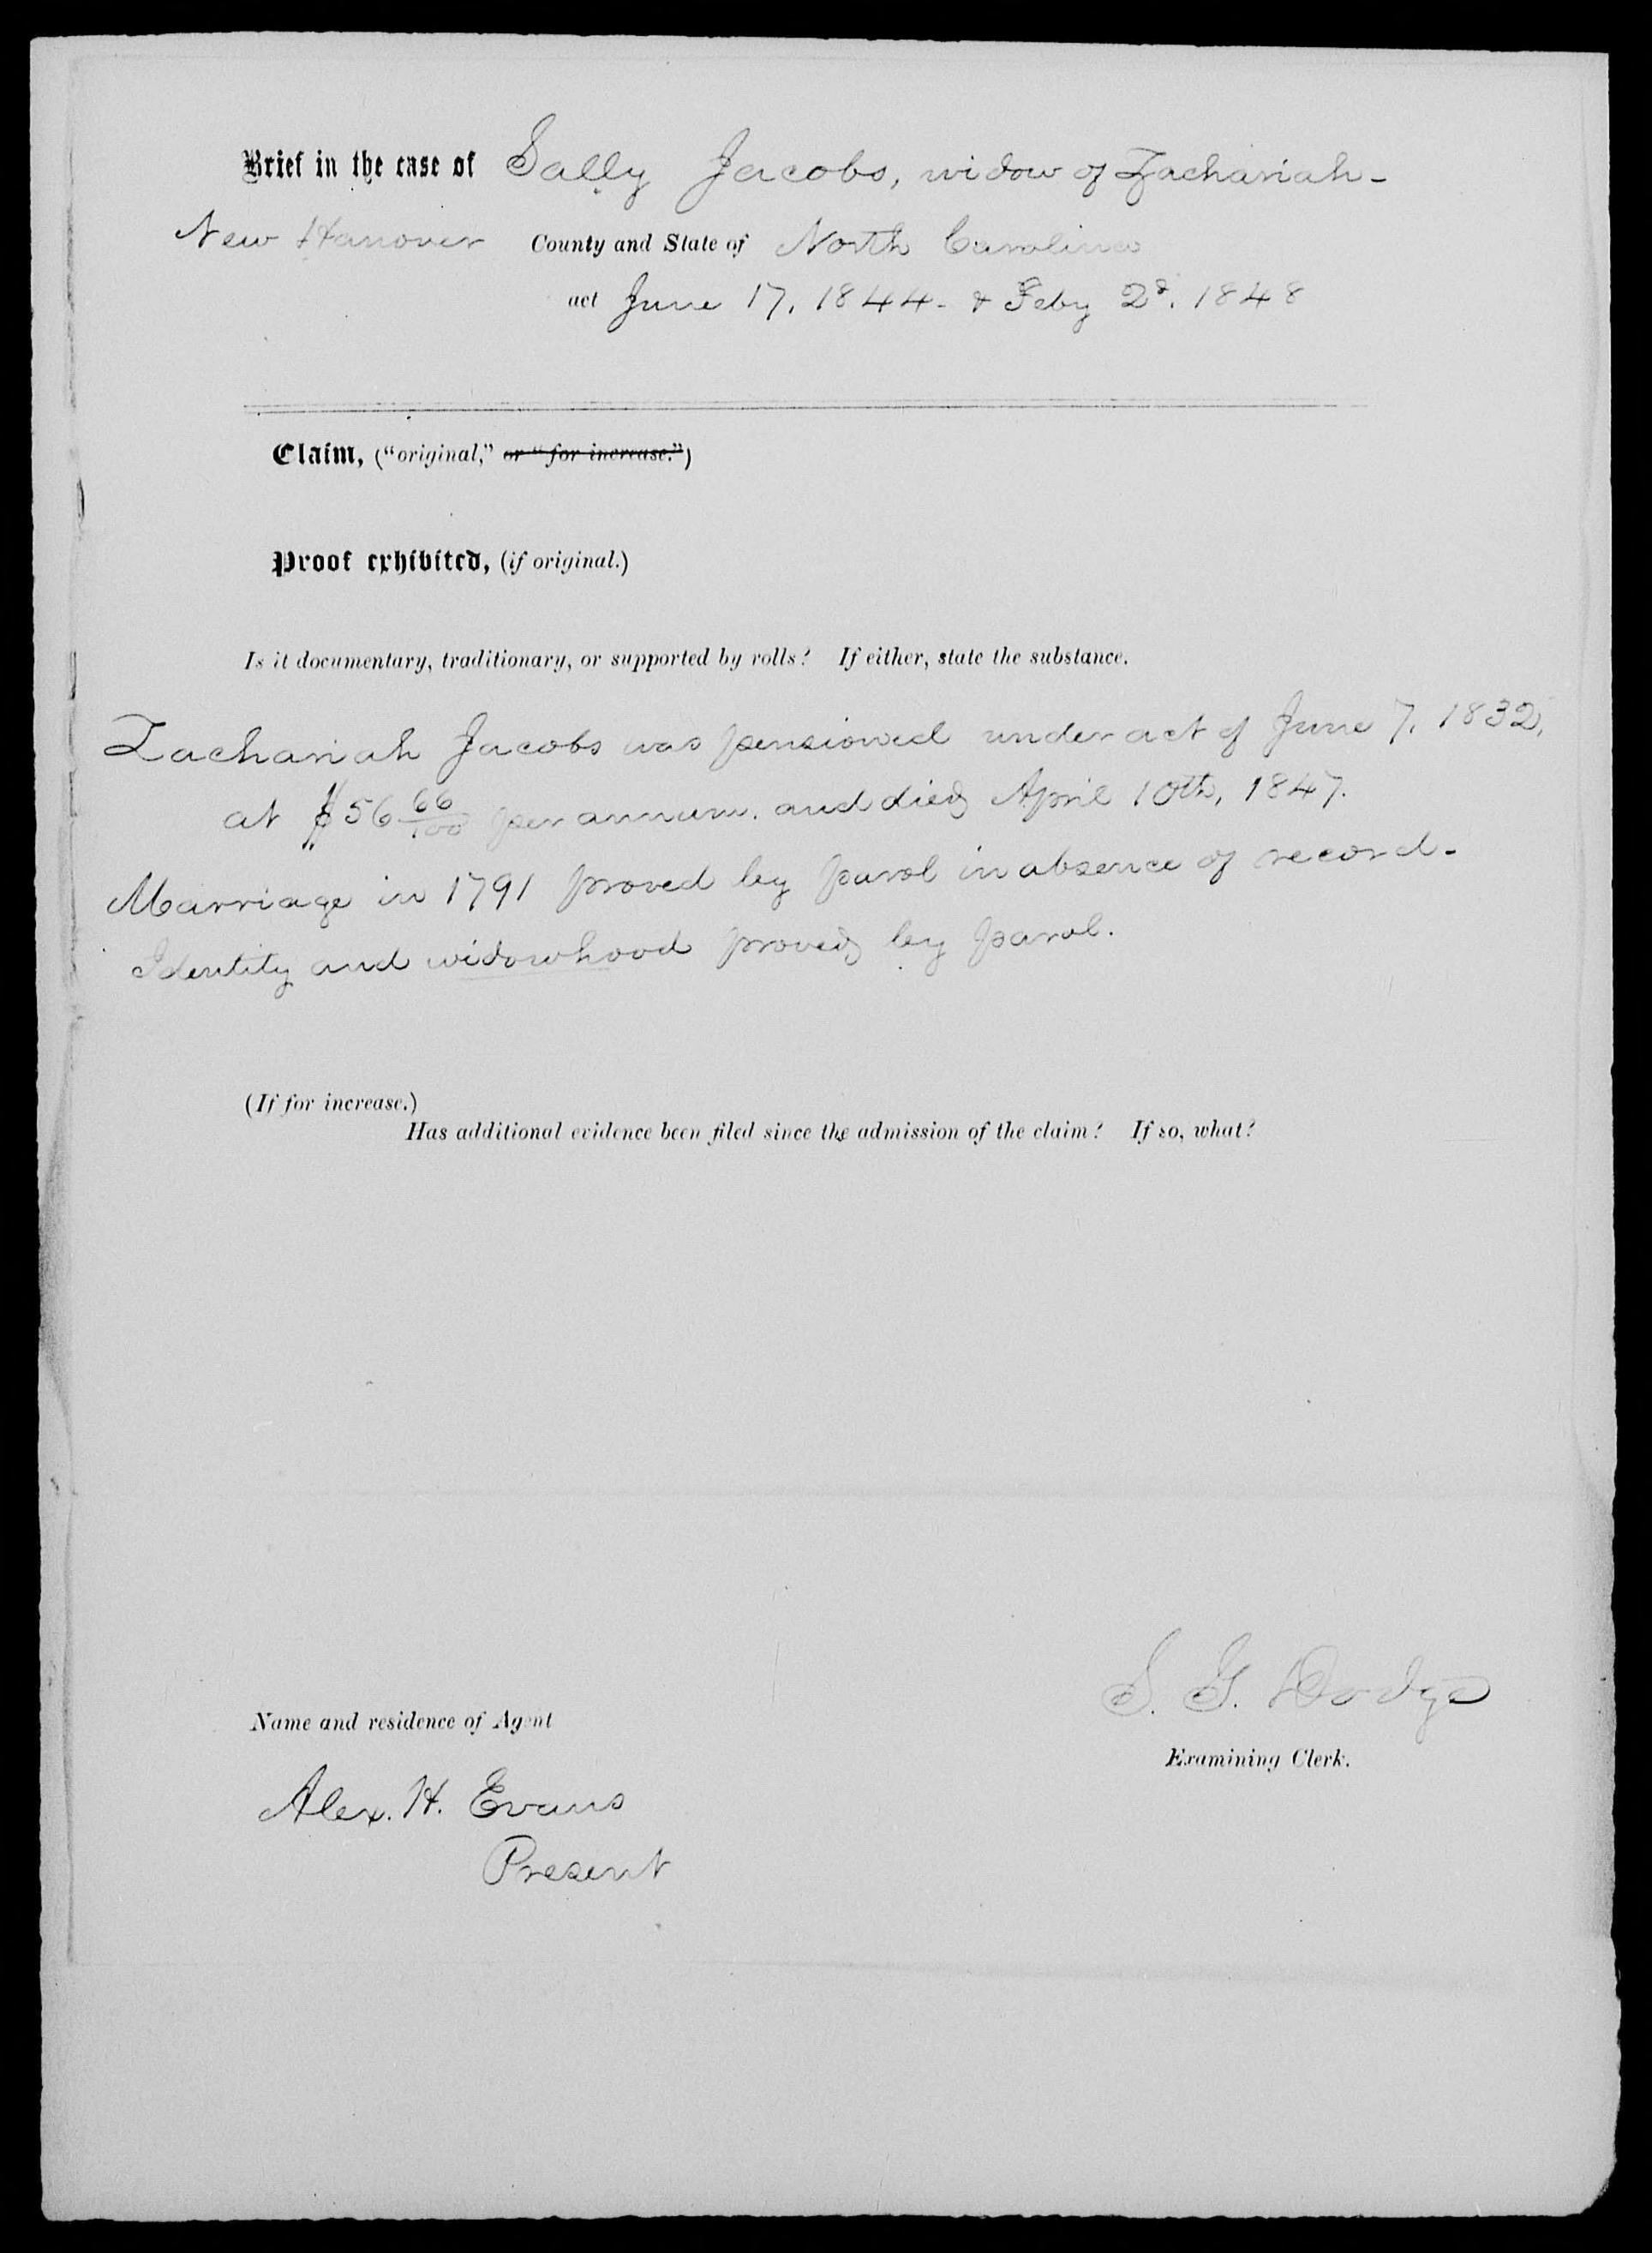Brief in the case of Sally Jacobs, widow of Zachariah - 
New Hanover County and State of North Carolina
    act June 17, 1848 & Feby 2nd, 1848
_______________________________________________
Claim, ("original," [the words "or "for increase" are crossed out])   [ blank]

Proof exhibited, (if original.)  [blank

Is it documentary, traditionary, or supported by rolls?  If either, state the substance,

Zachariah Jacobs was pensioned under act of June 7, 1832 at $56 66/100 per annum, and died April 10th, 1847.  Marriage in 1791 proved by parol in absence of record.  Identity and widowhood proved by parol.

(If for increase)
         Has additional evidence been filed since the admission of the claim?  If so, what?
         [blank]


Name and residence of Agent
Alex  H.  Evans
       Present

                               S. G. Dodge
                            Examining Clerk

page: 29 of 40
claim: widow's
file: W. 5304, for Zachariah Jacobs, North Carolina